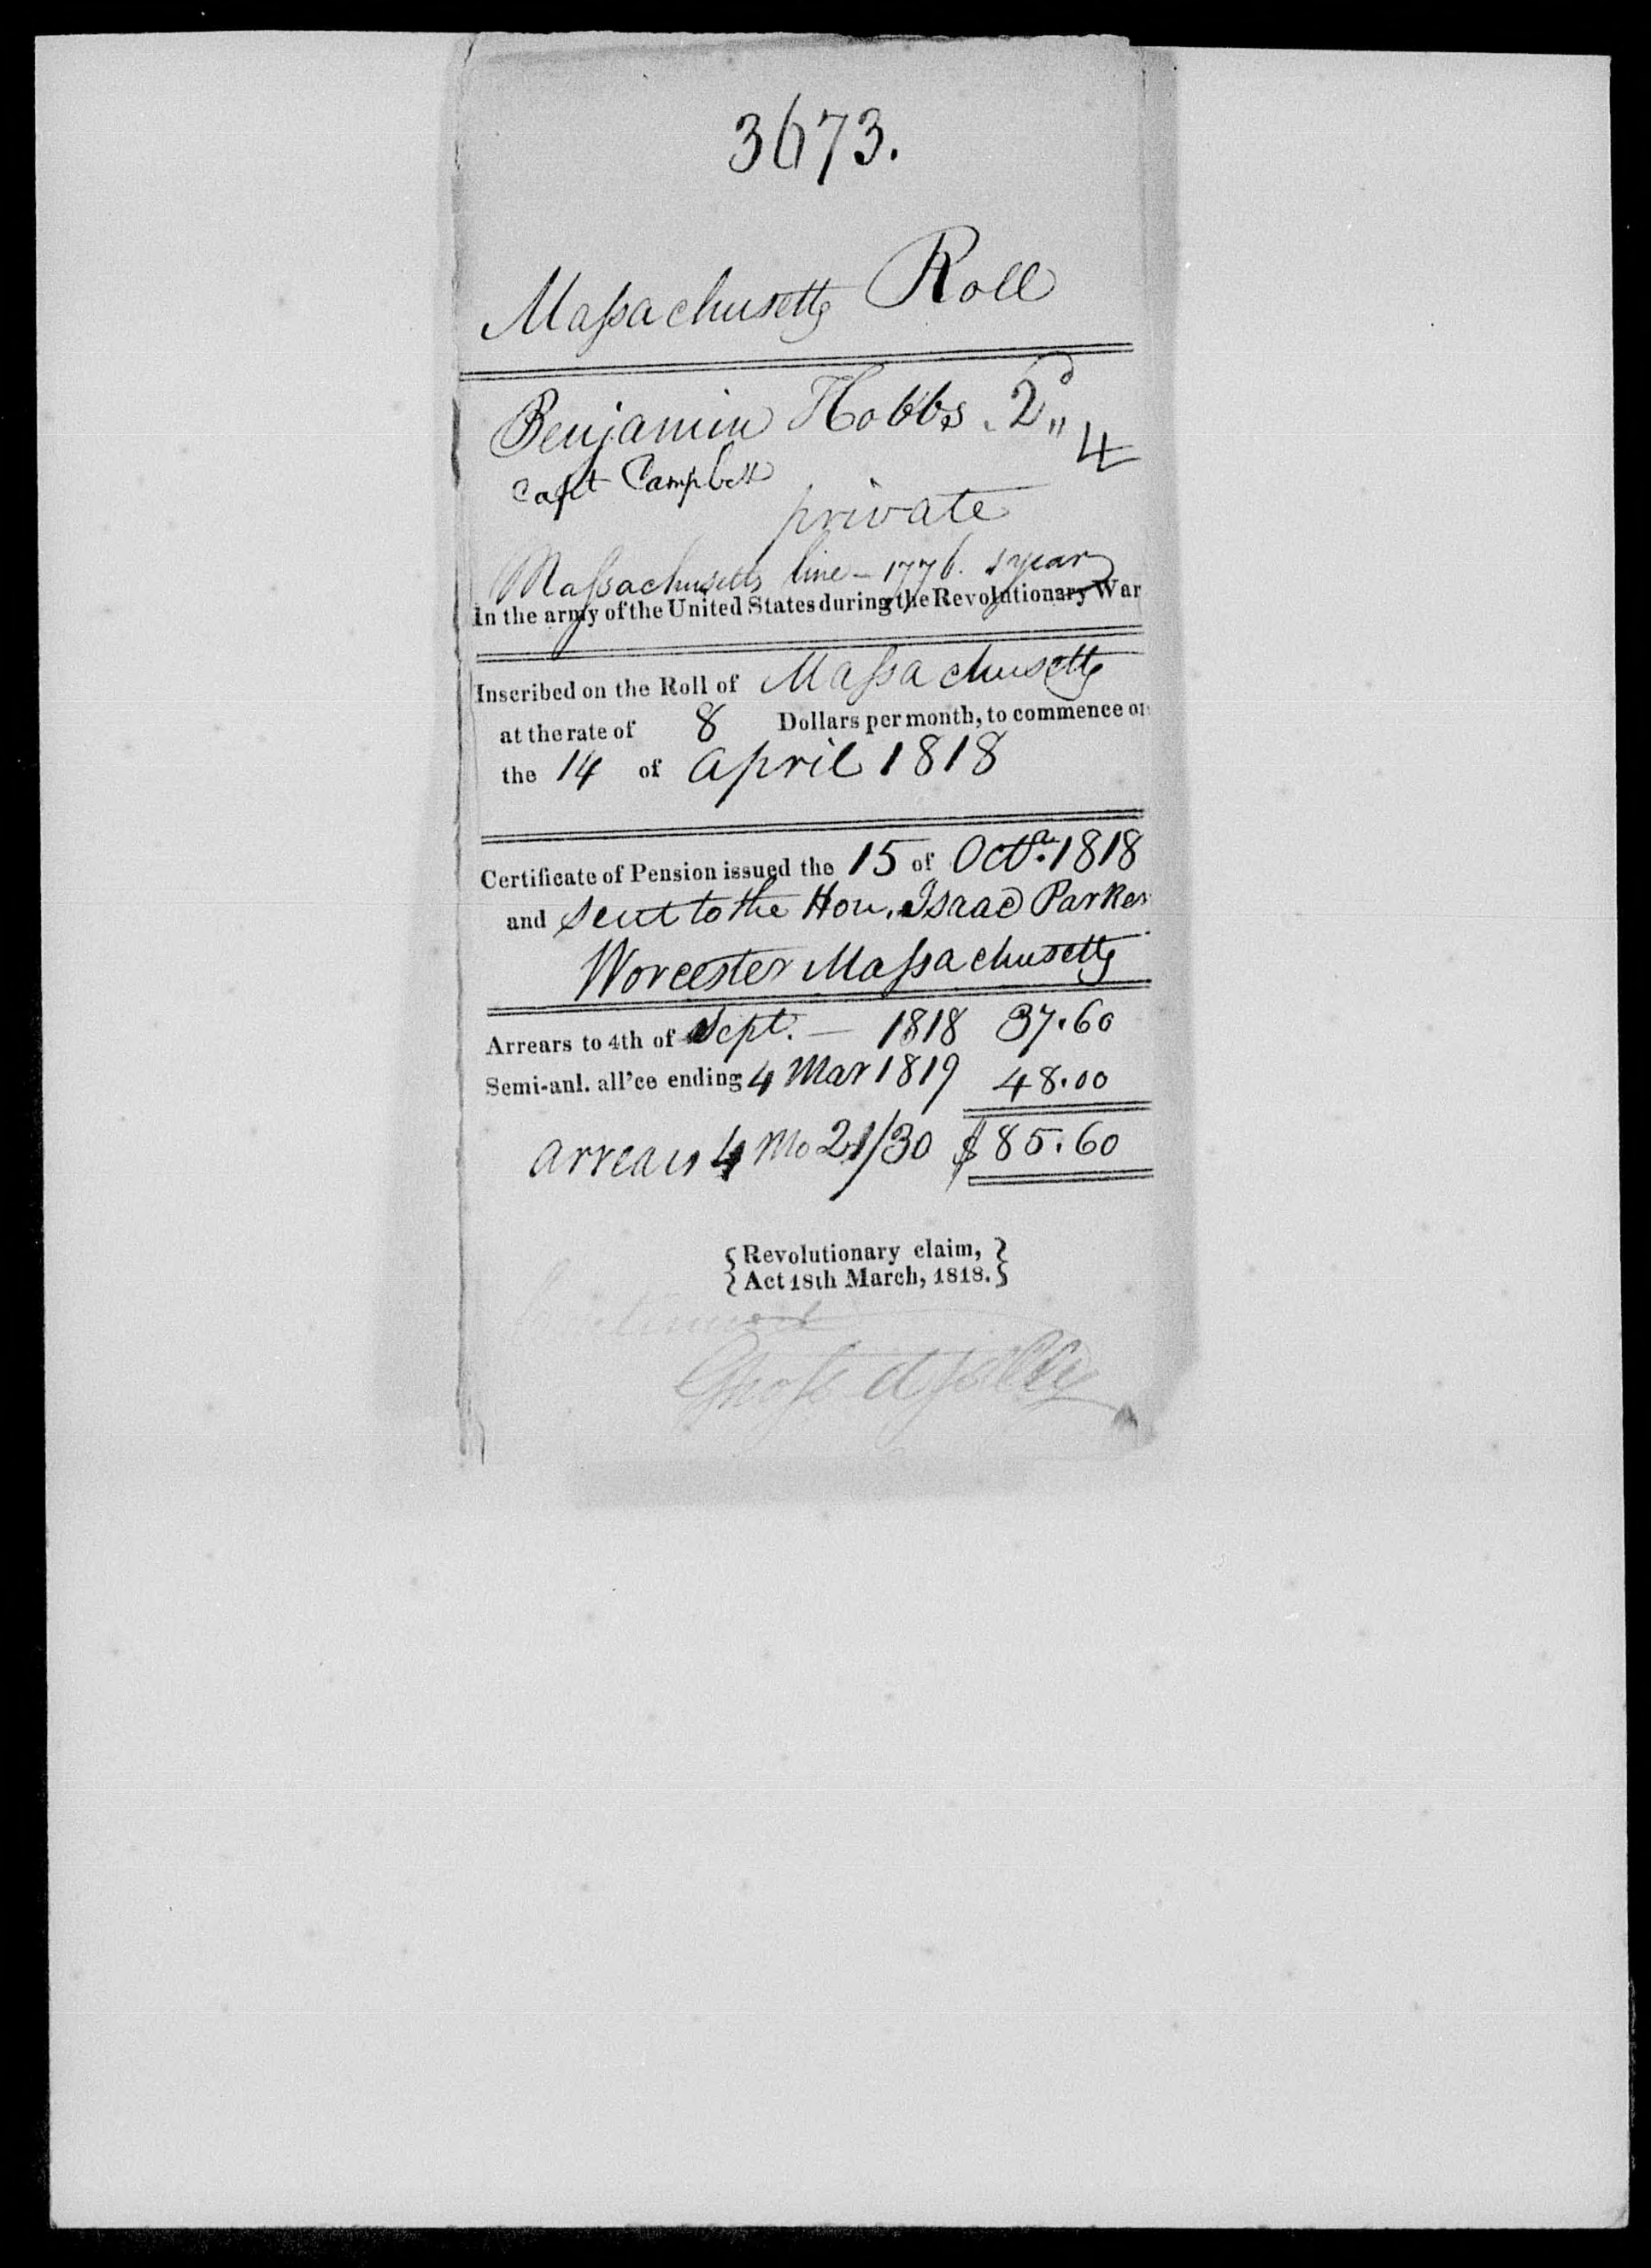3673

Massachusetts Roll
-----
Benjamin Hobbs, 2d 
Capt Campbell
private
Massachusetts line - 1776. 1 year
In the army of the United States during the Revolutionary War
----
Inscribed on the Roll of Massachusetts
at the rate of 8 Dollars per month, to commence on
the 14 of April 1818
-----
Certificate of Pension issued the 15 of Oct. 1818
and sent to the Hon. Isaac Parker
Worcester Massachusetts
-----
Arrears to the 4th of Sept. 1818 | 37.60
Semi-anl. all'ce ending 4 March 1819 | 48.00
arrears 4 mo. 21/30 | $85.60

{Revolutionary claim,
Act 18th March, 1818.}

[the following two lines are in pencil]
Continental
[line illegible]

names: Isaac Parker, Campbell, Benjamin Hobbs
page: 2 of 13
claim: survivor's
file: S. 32,846, Benjamin Hobbs, Continental Mass. & War Of 1812